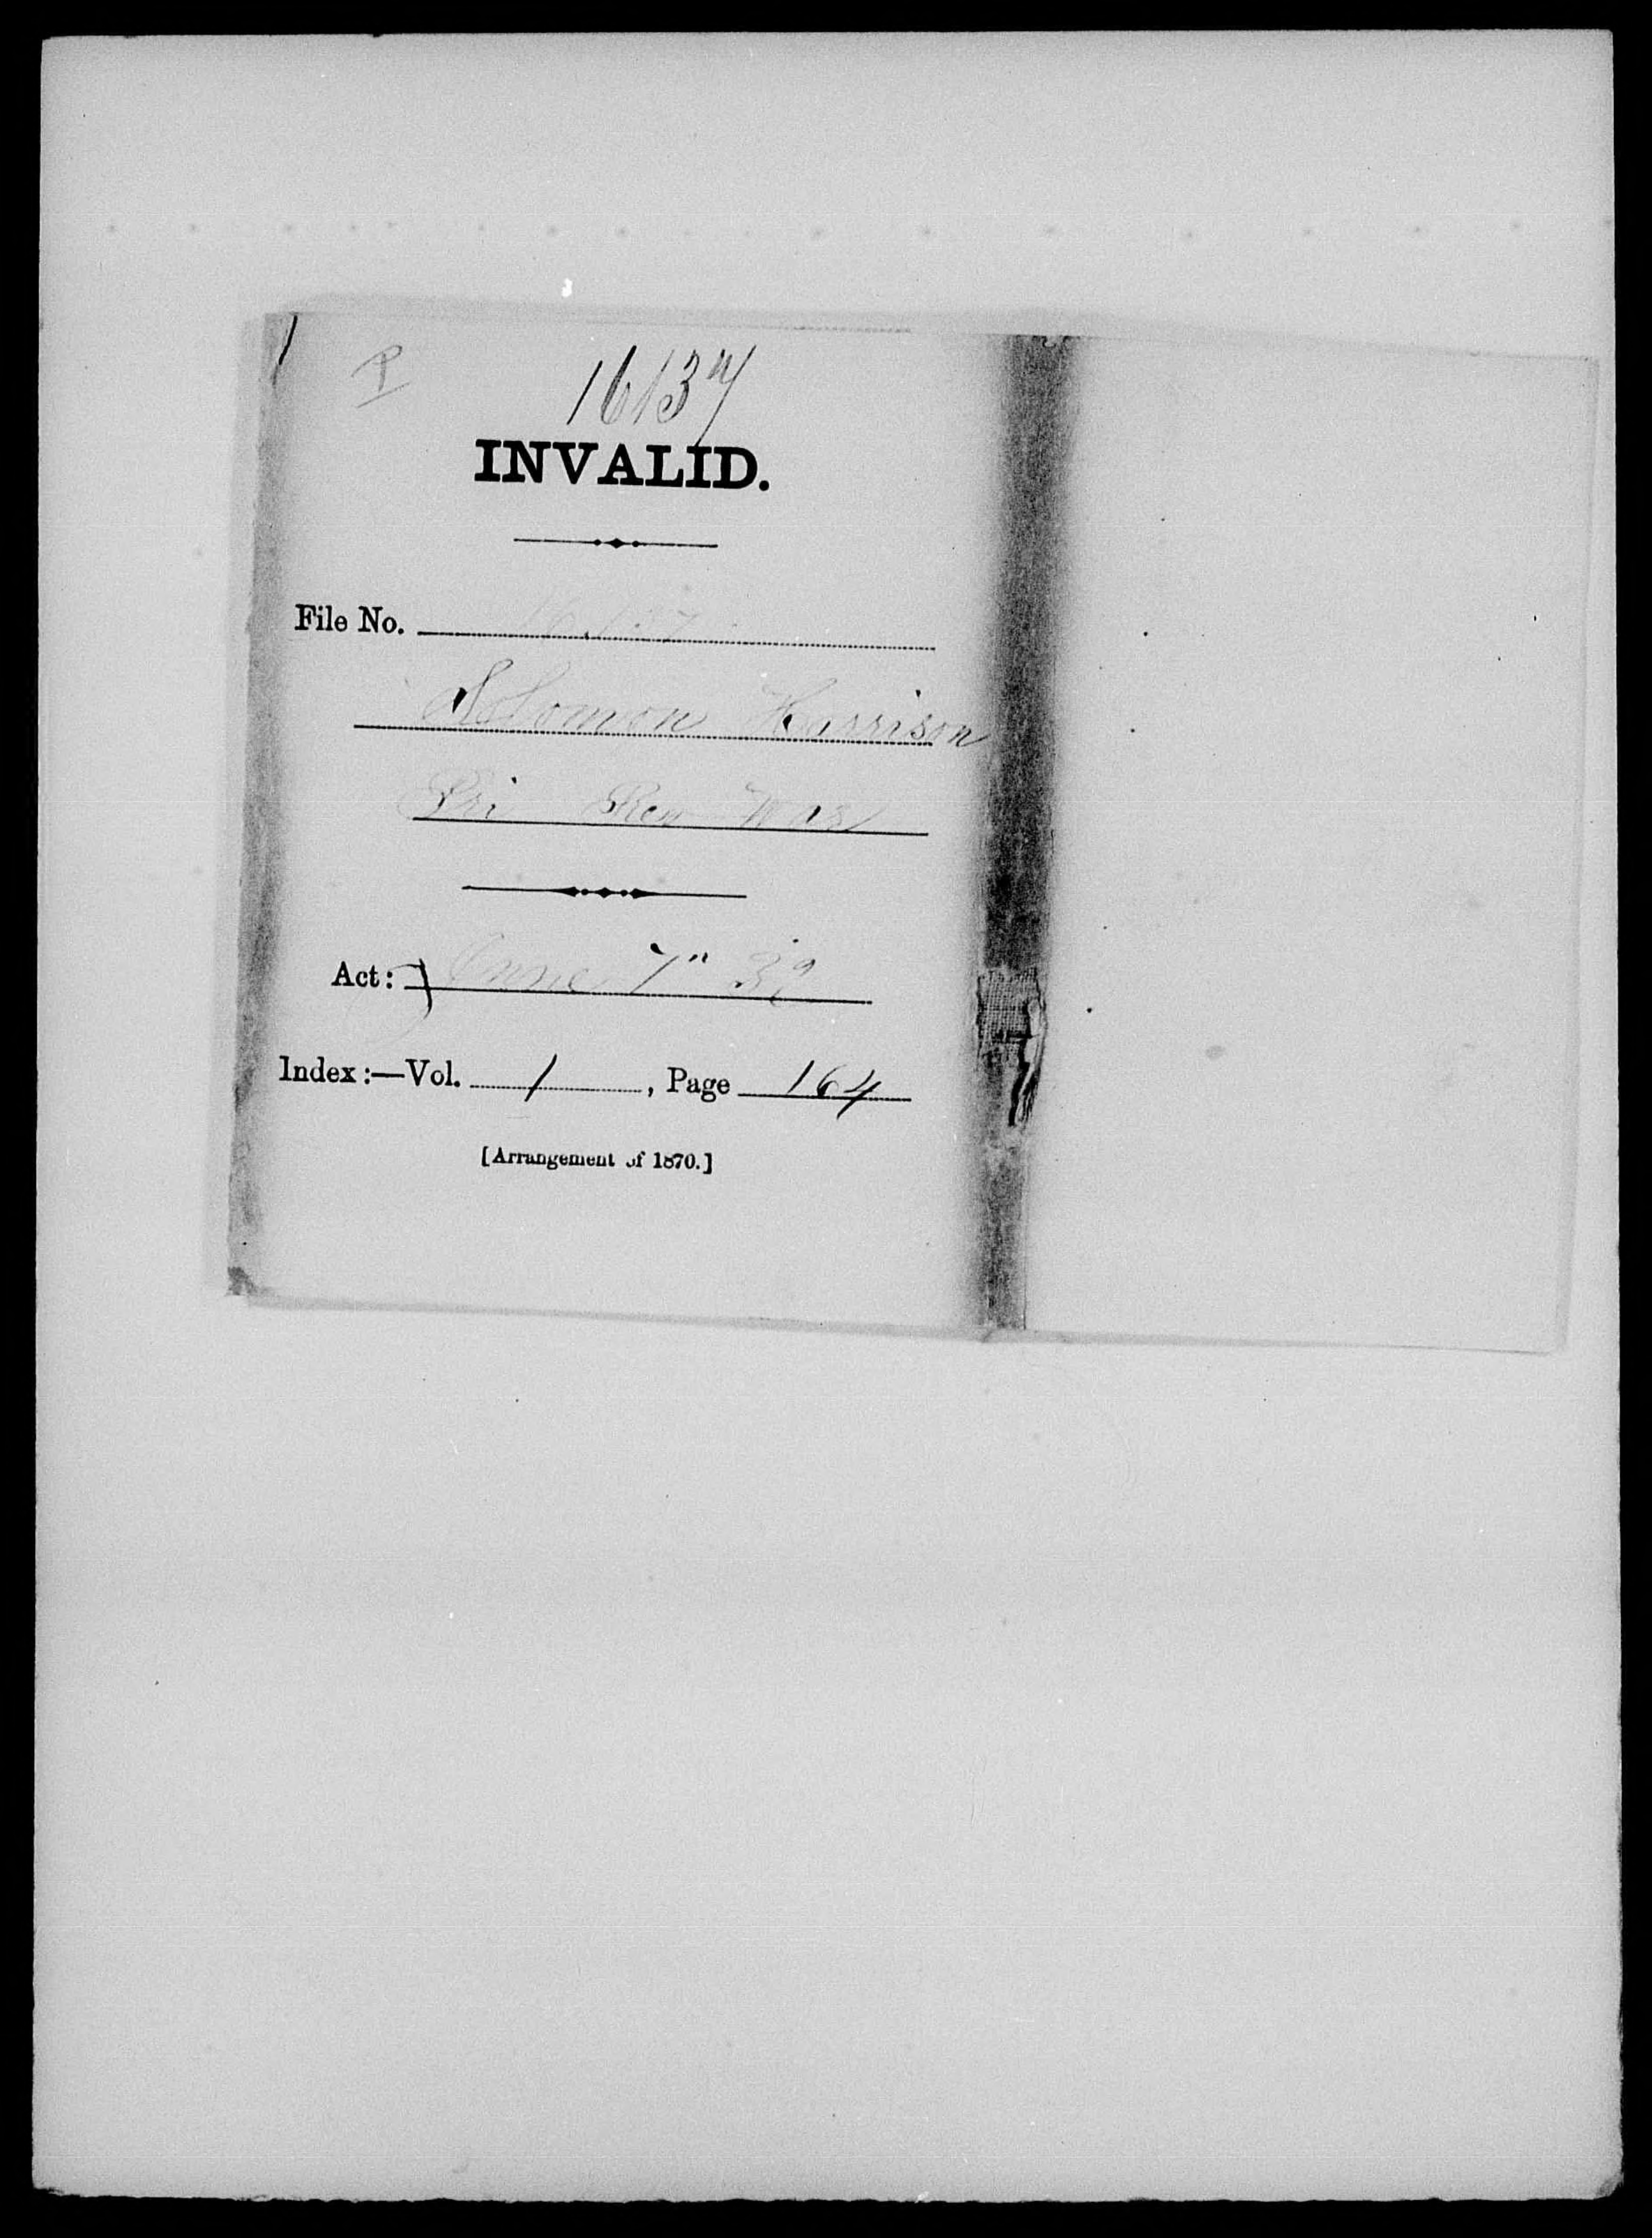16134
INVALID.
File No. 16134 
Solomon Harrison
Pri Rev War
Act: June 7 32
Index: --Vol. 1, Page 16
[Arrangement of 1870.]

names: Solomon Harrison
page: 11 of 22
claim: survivor's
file: S. 16137, Solomon Harrison, Conn.